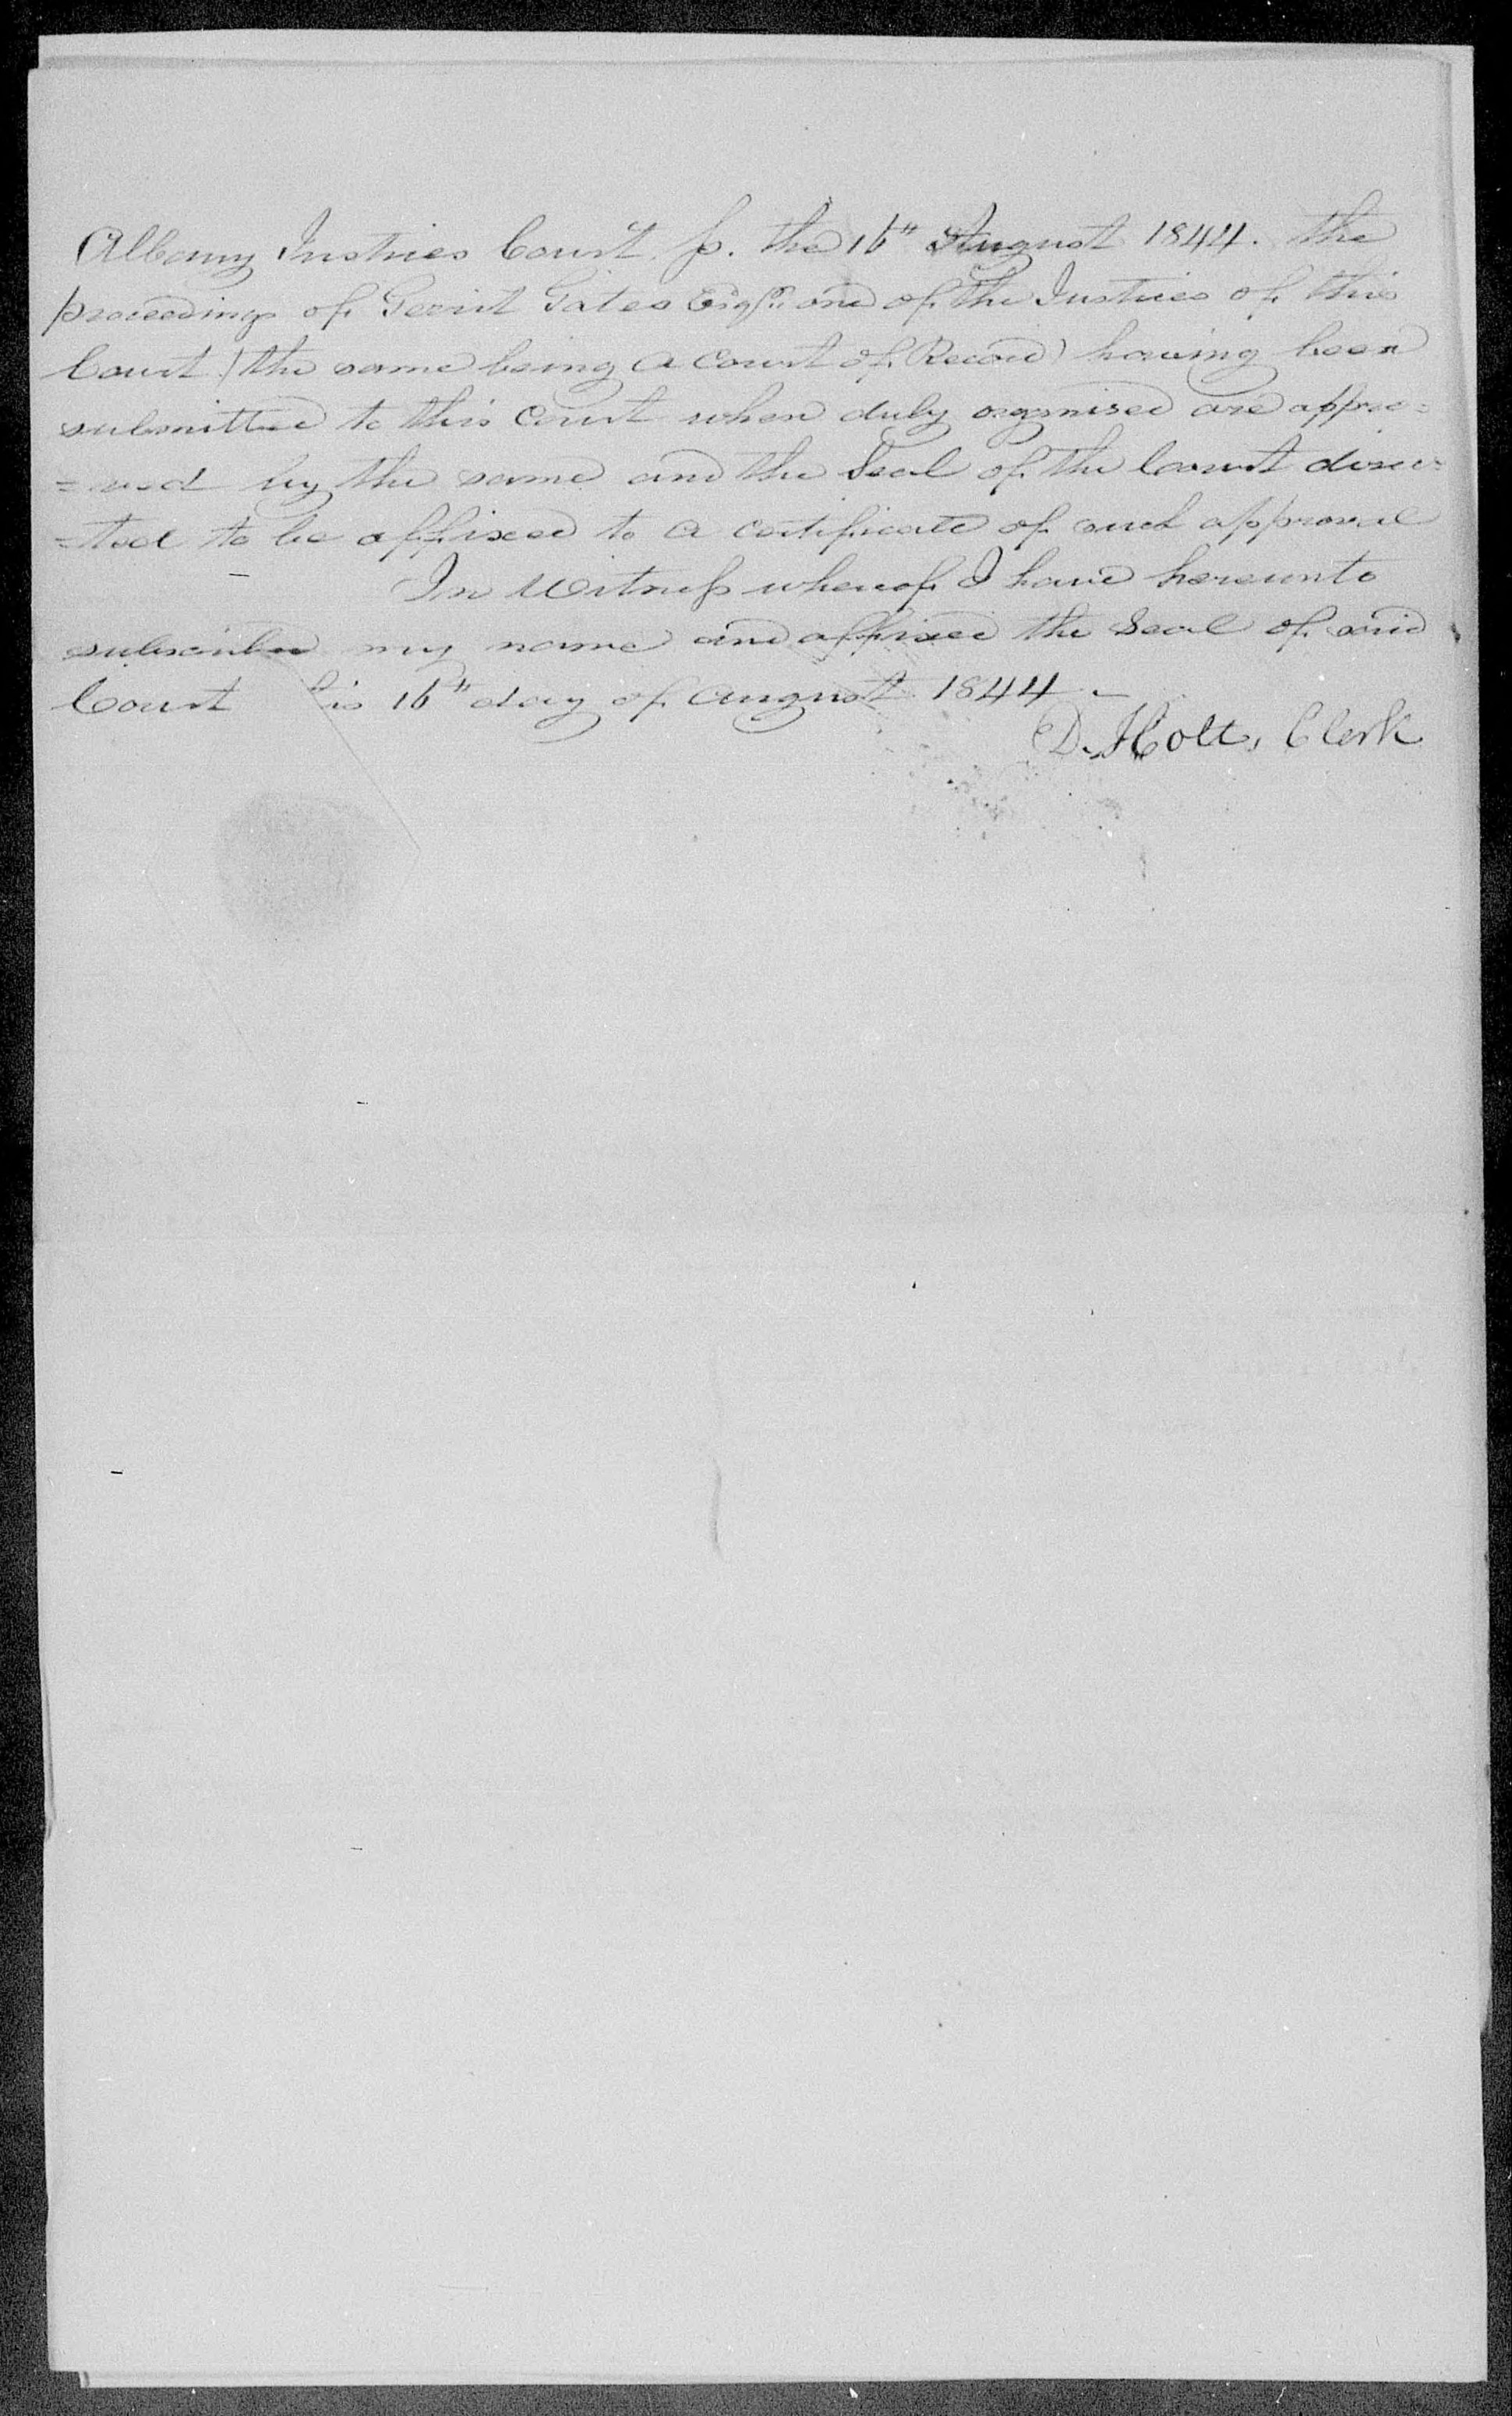Albany Justices Court ss. the 16th August 1844. the proceedings of Gerrit Gates Esqr one of the Justices of this Court (the same being a Court of Record) having been submitted to this Court when duly organized are appeared by the same and the Seal of the Court directed to be affixed to a certificate of court approval

In Witness whereof I have hereunto subscribed my name and affixed the Seal of said Court this 16th day of August 1844.
D. Holt, Clerk (signature)

[seal]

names: Gerrit Gates, D Holt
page: 42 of 52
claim: widow's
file: W 19755, Jonathan Hoard, Mass.